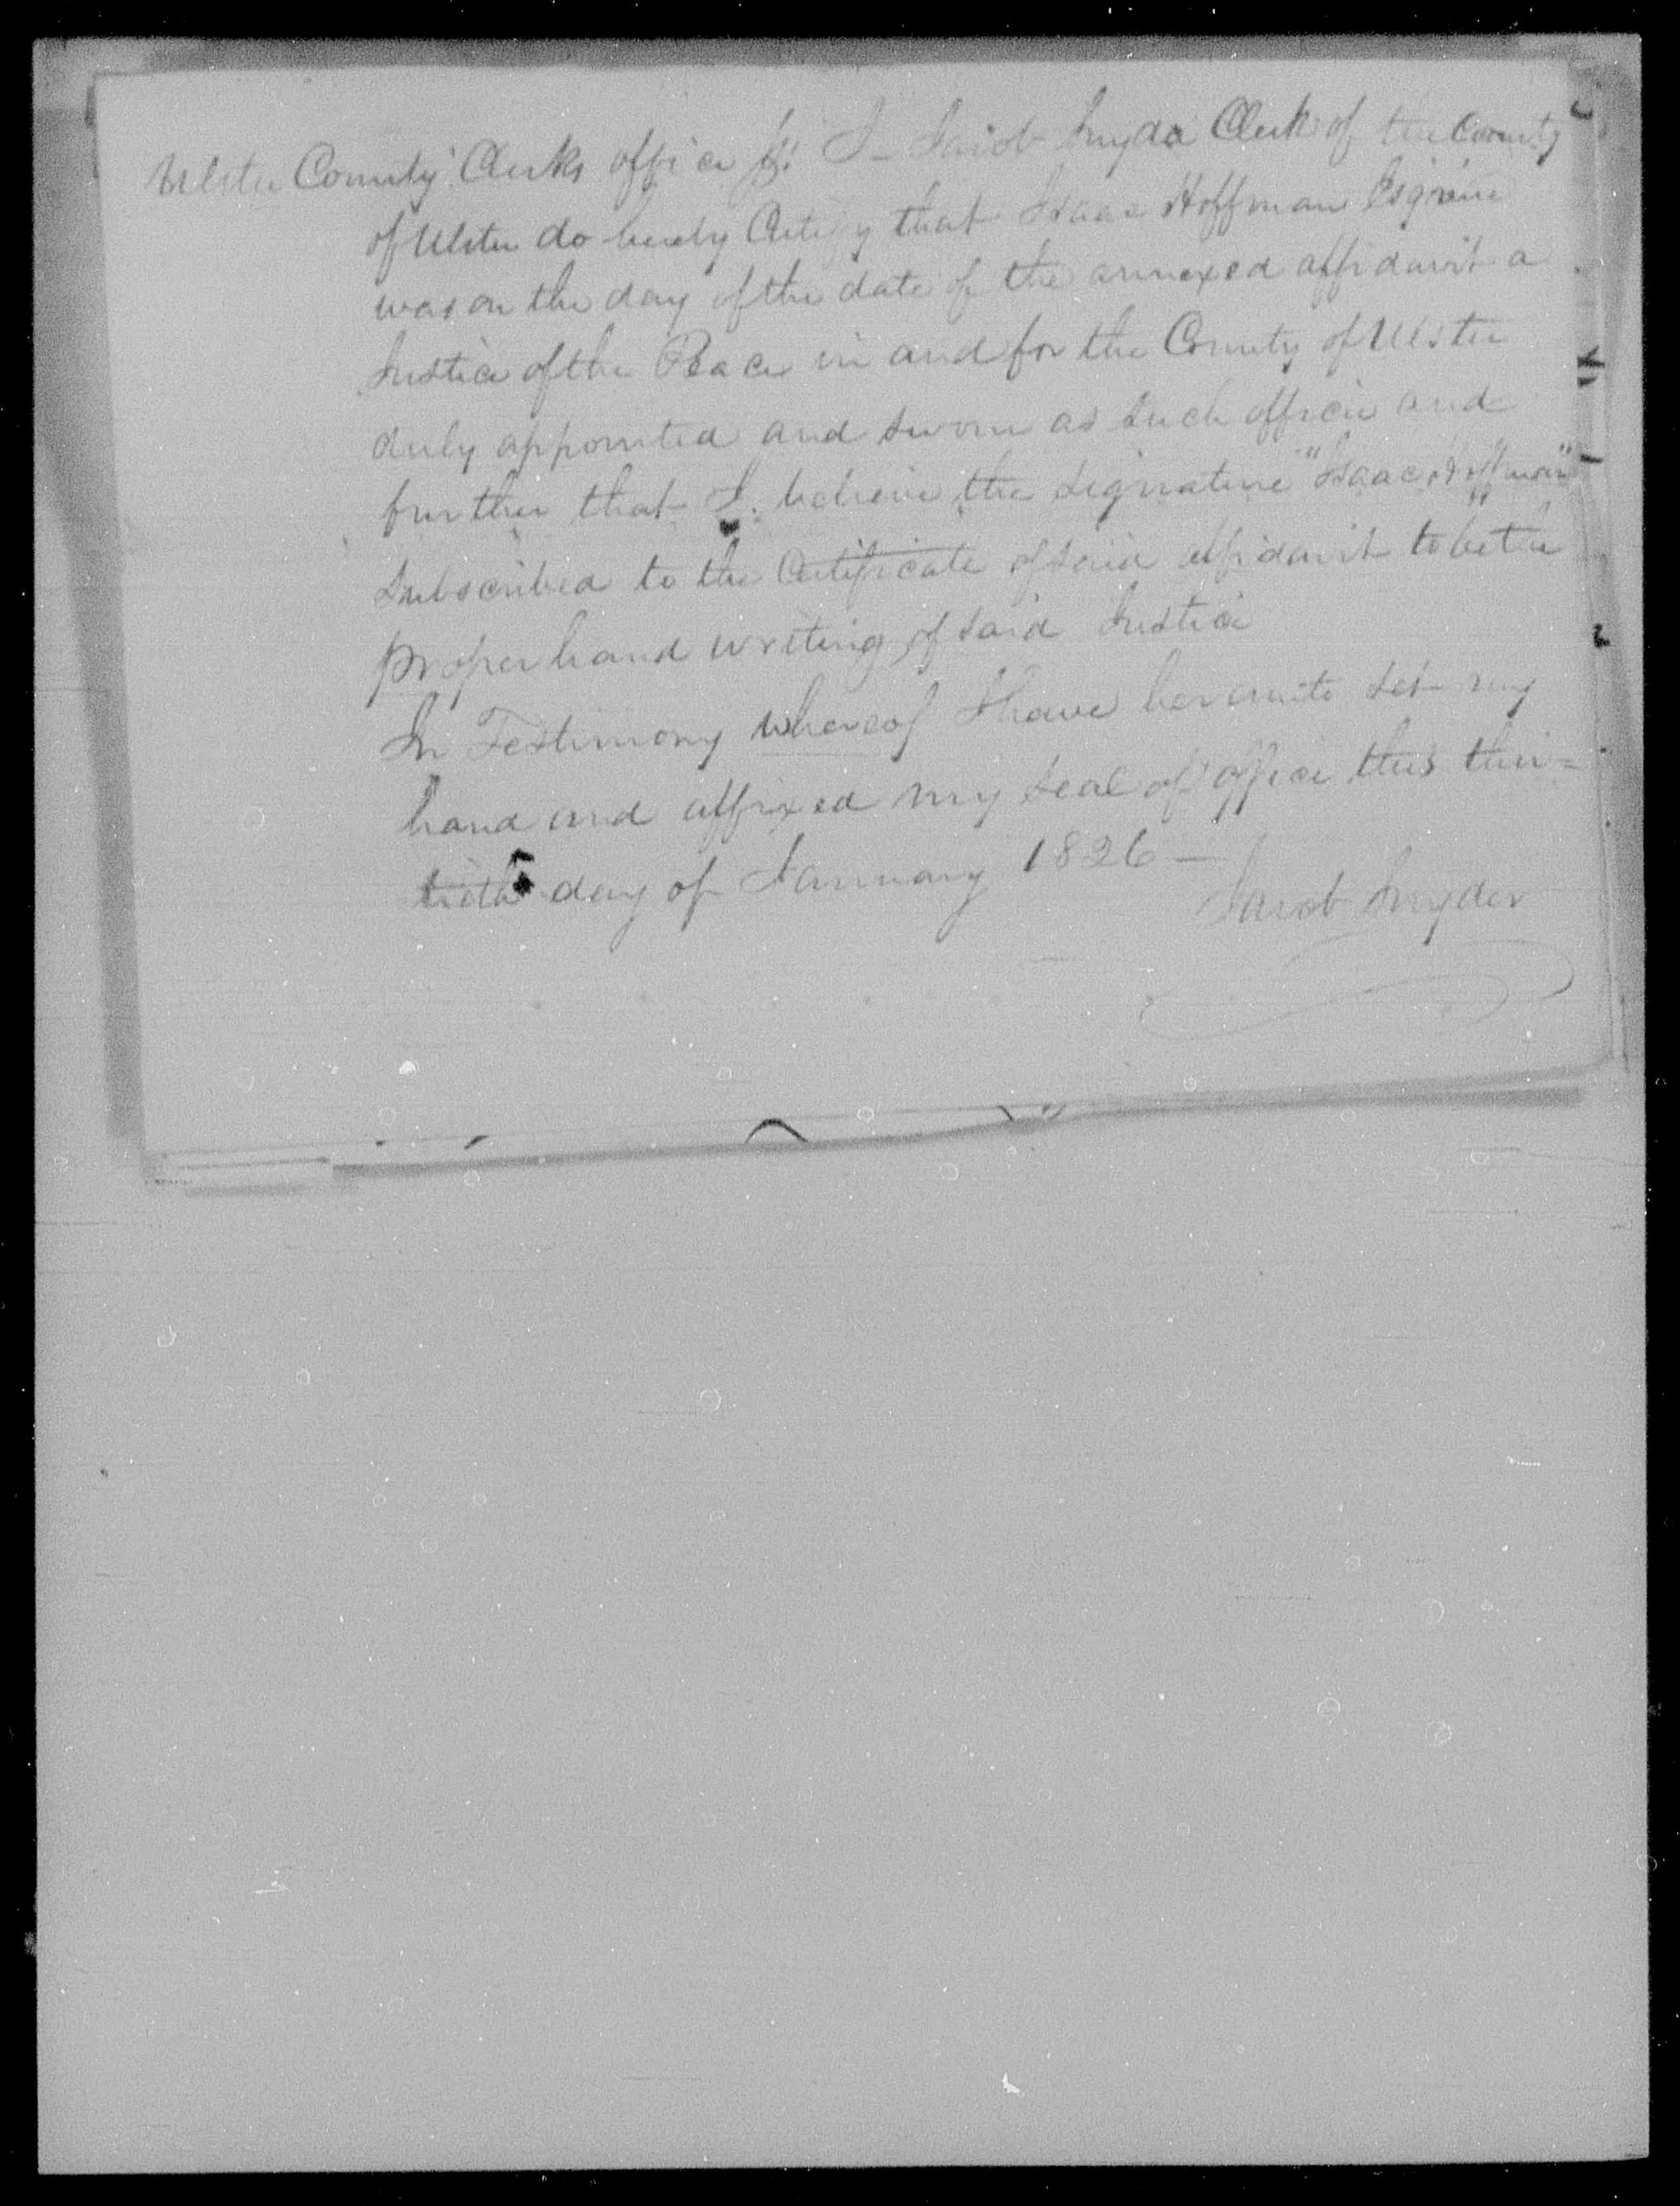Ulster County Clerks office - Jacob Snyder Clerk of the County
of Ulster do hereby Certify that Isaac Hoffman Esqr
was on the day of the date of the annexed affidavit a Justice of the Peace in and for the County of Ulster
duly appointed and sworn as such office and
further that I believe the signature "Isaac Hoffman"
Subscribed to the Certificate of said affidavit to be
proper hand writing of said Justice
In Testimony whereof I have hereunto set my
hand and affixed my seal of office this thirtieth day of January 1826
Jacob Snyder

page: 46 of 64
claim: survivor's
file: S. 42,464, for William Terwilliger, New York